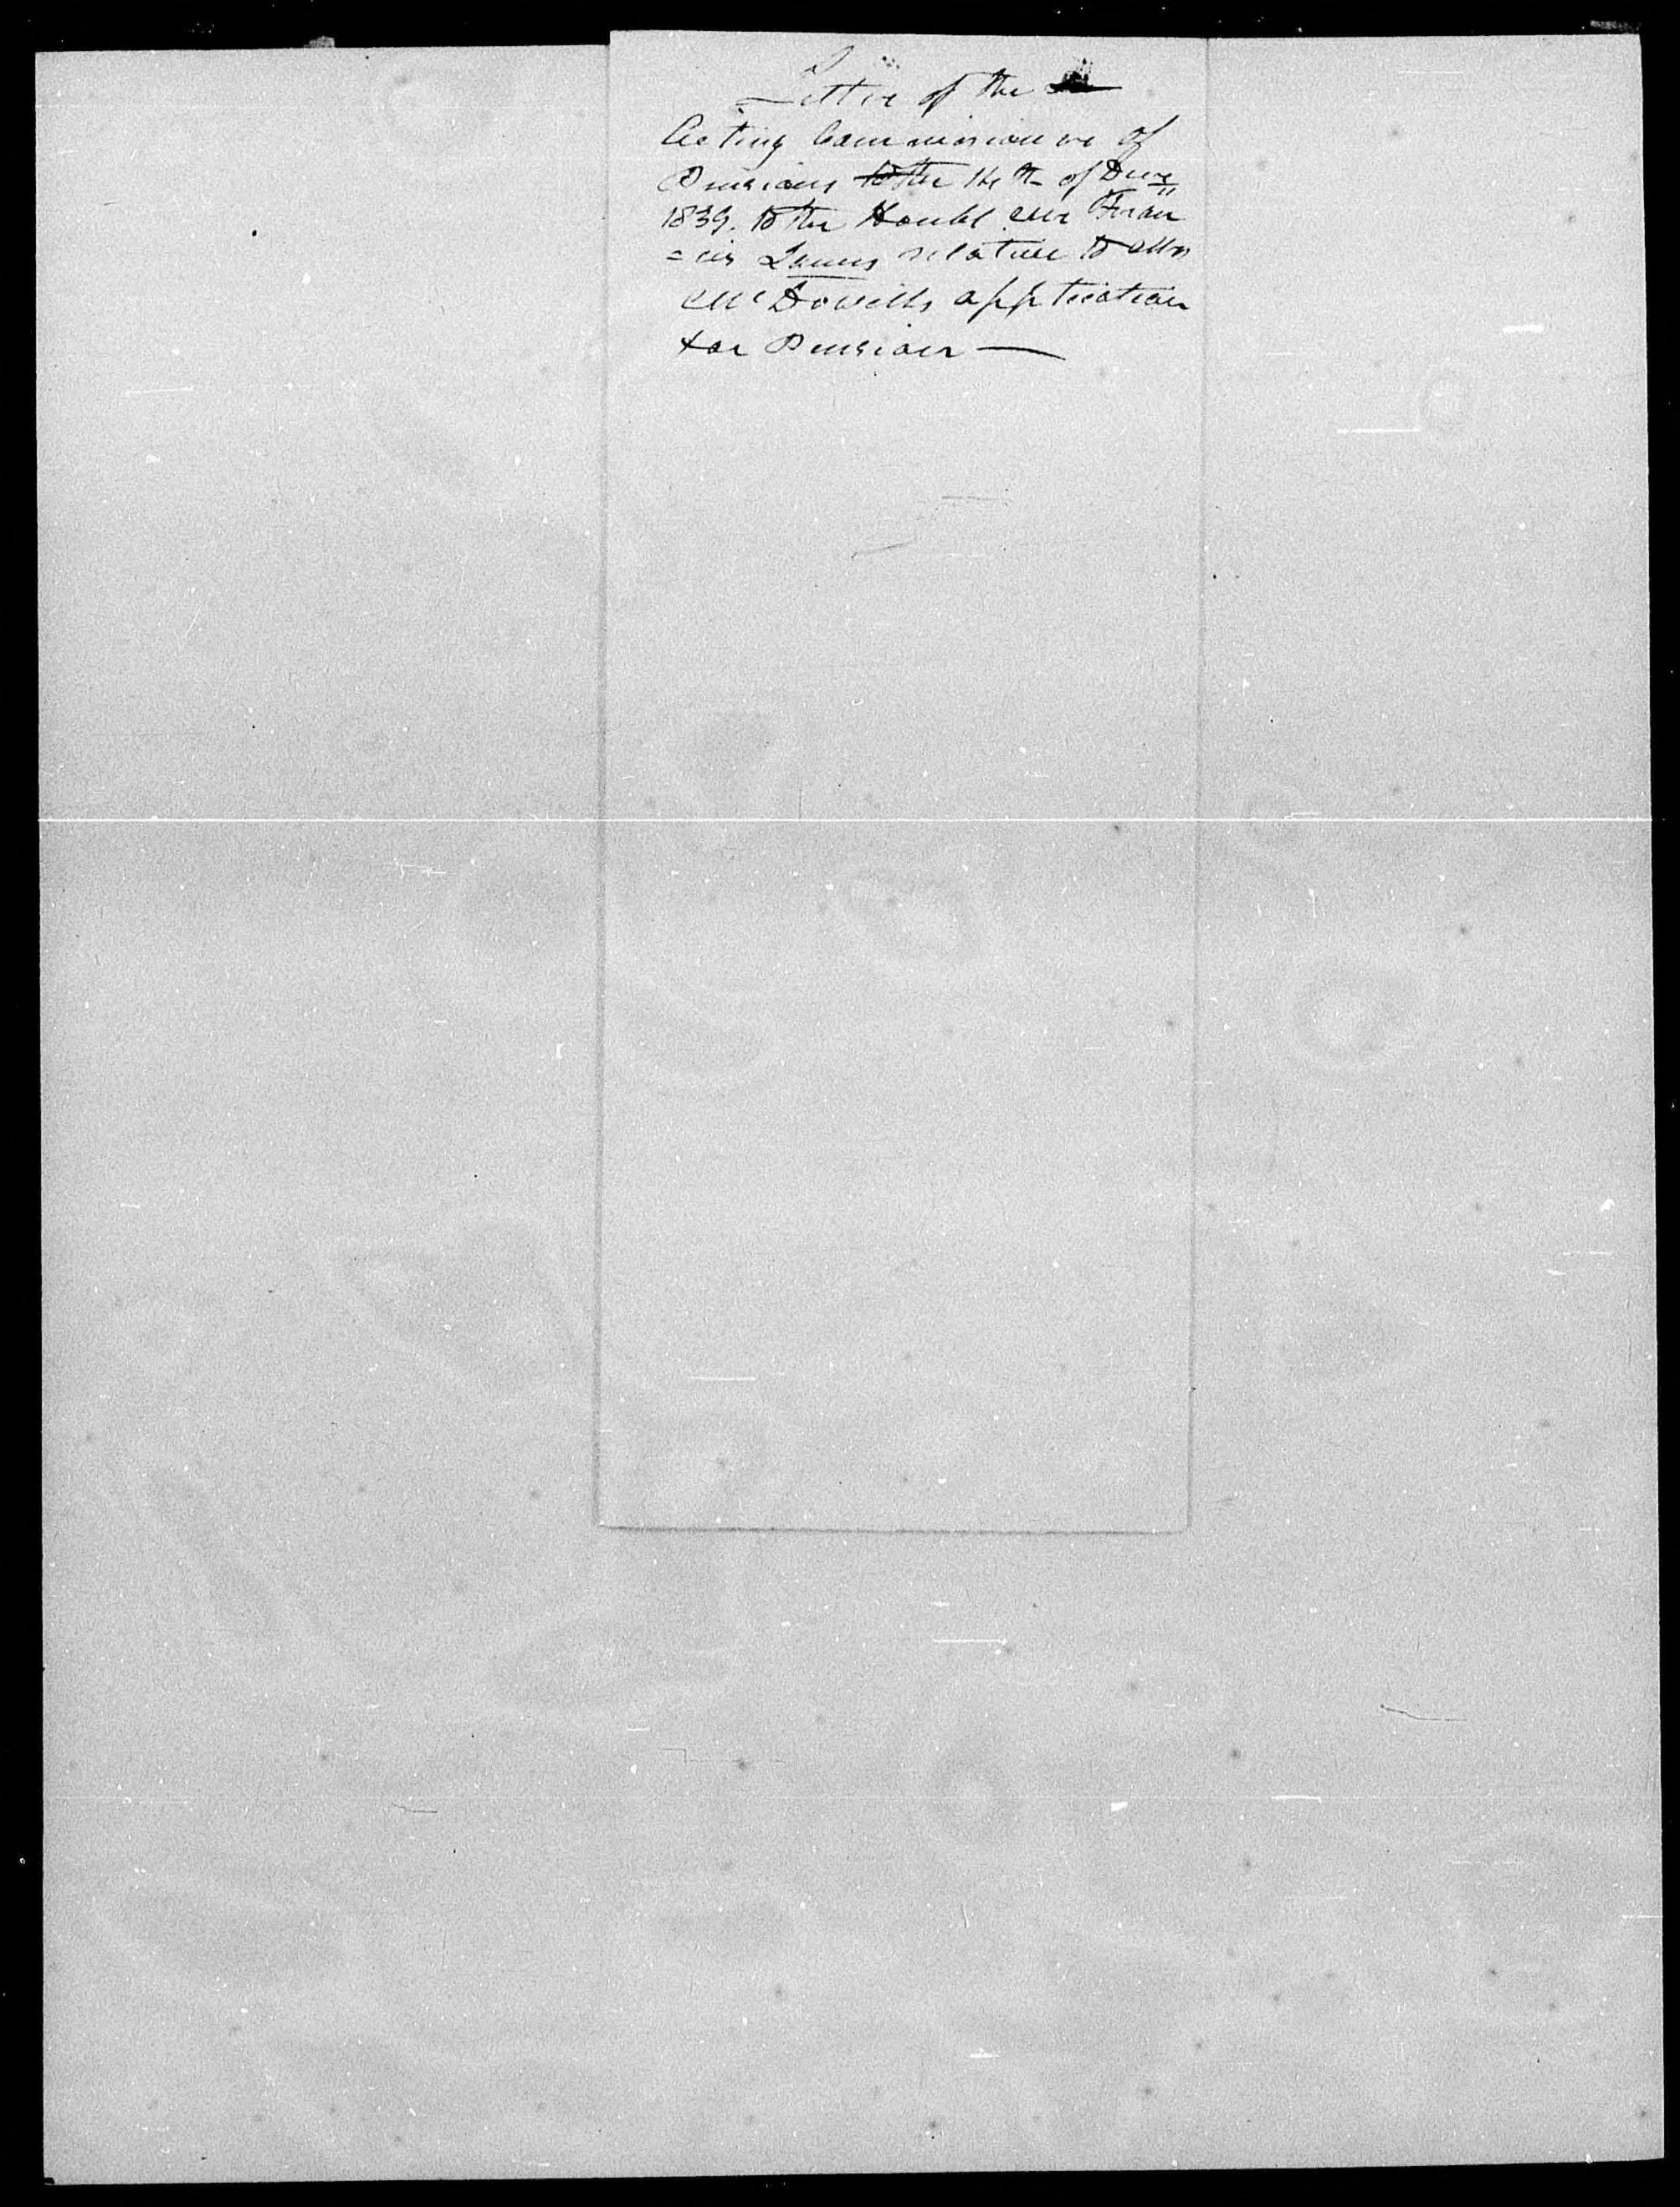Letter of the Acting Commissioner of Pensions [crossed out] to the [/crossed out] the 9th of Decc 1839. to the Honbl Mr. Francis James relative to Mrs McDowells application for Pensions--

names: Francis James; [BLANK] Mc Dowell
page: 46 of 63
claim: widow's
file: W 2957, for Thomas Mc Dowell, Maryland